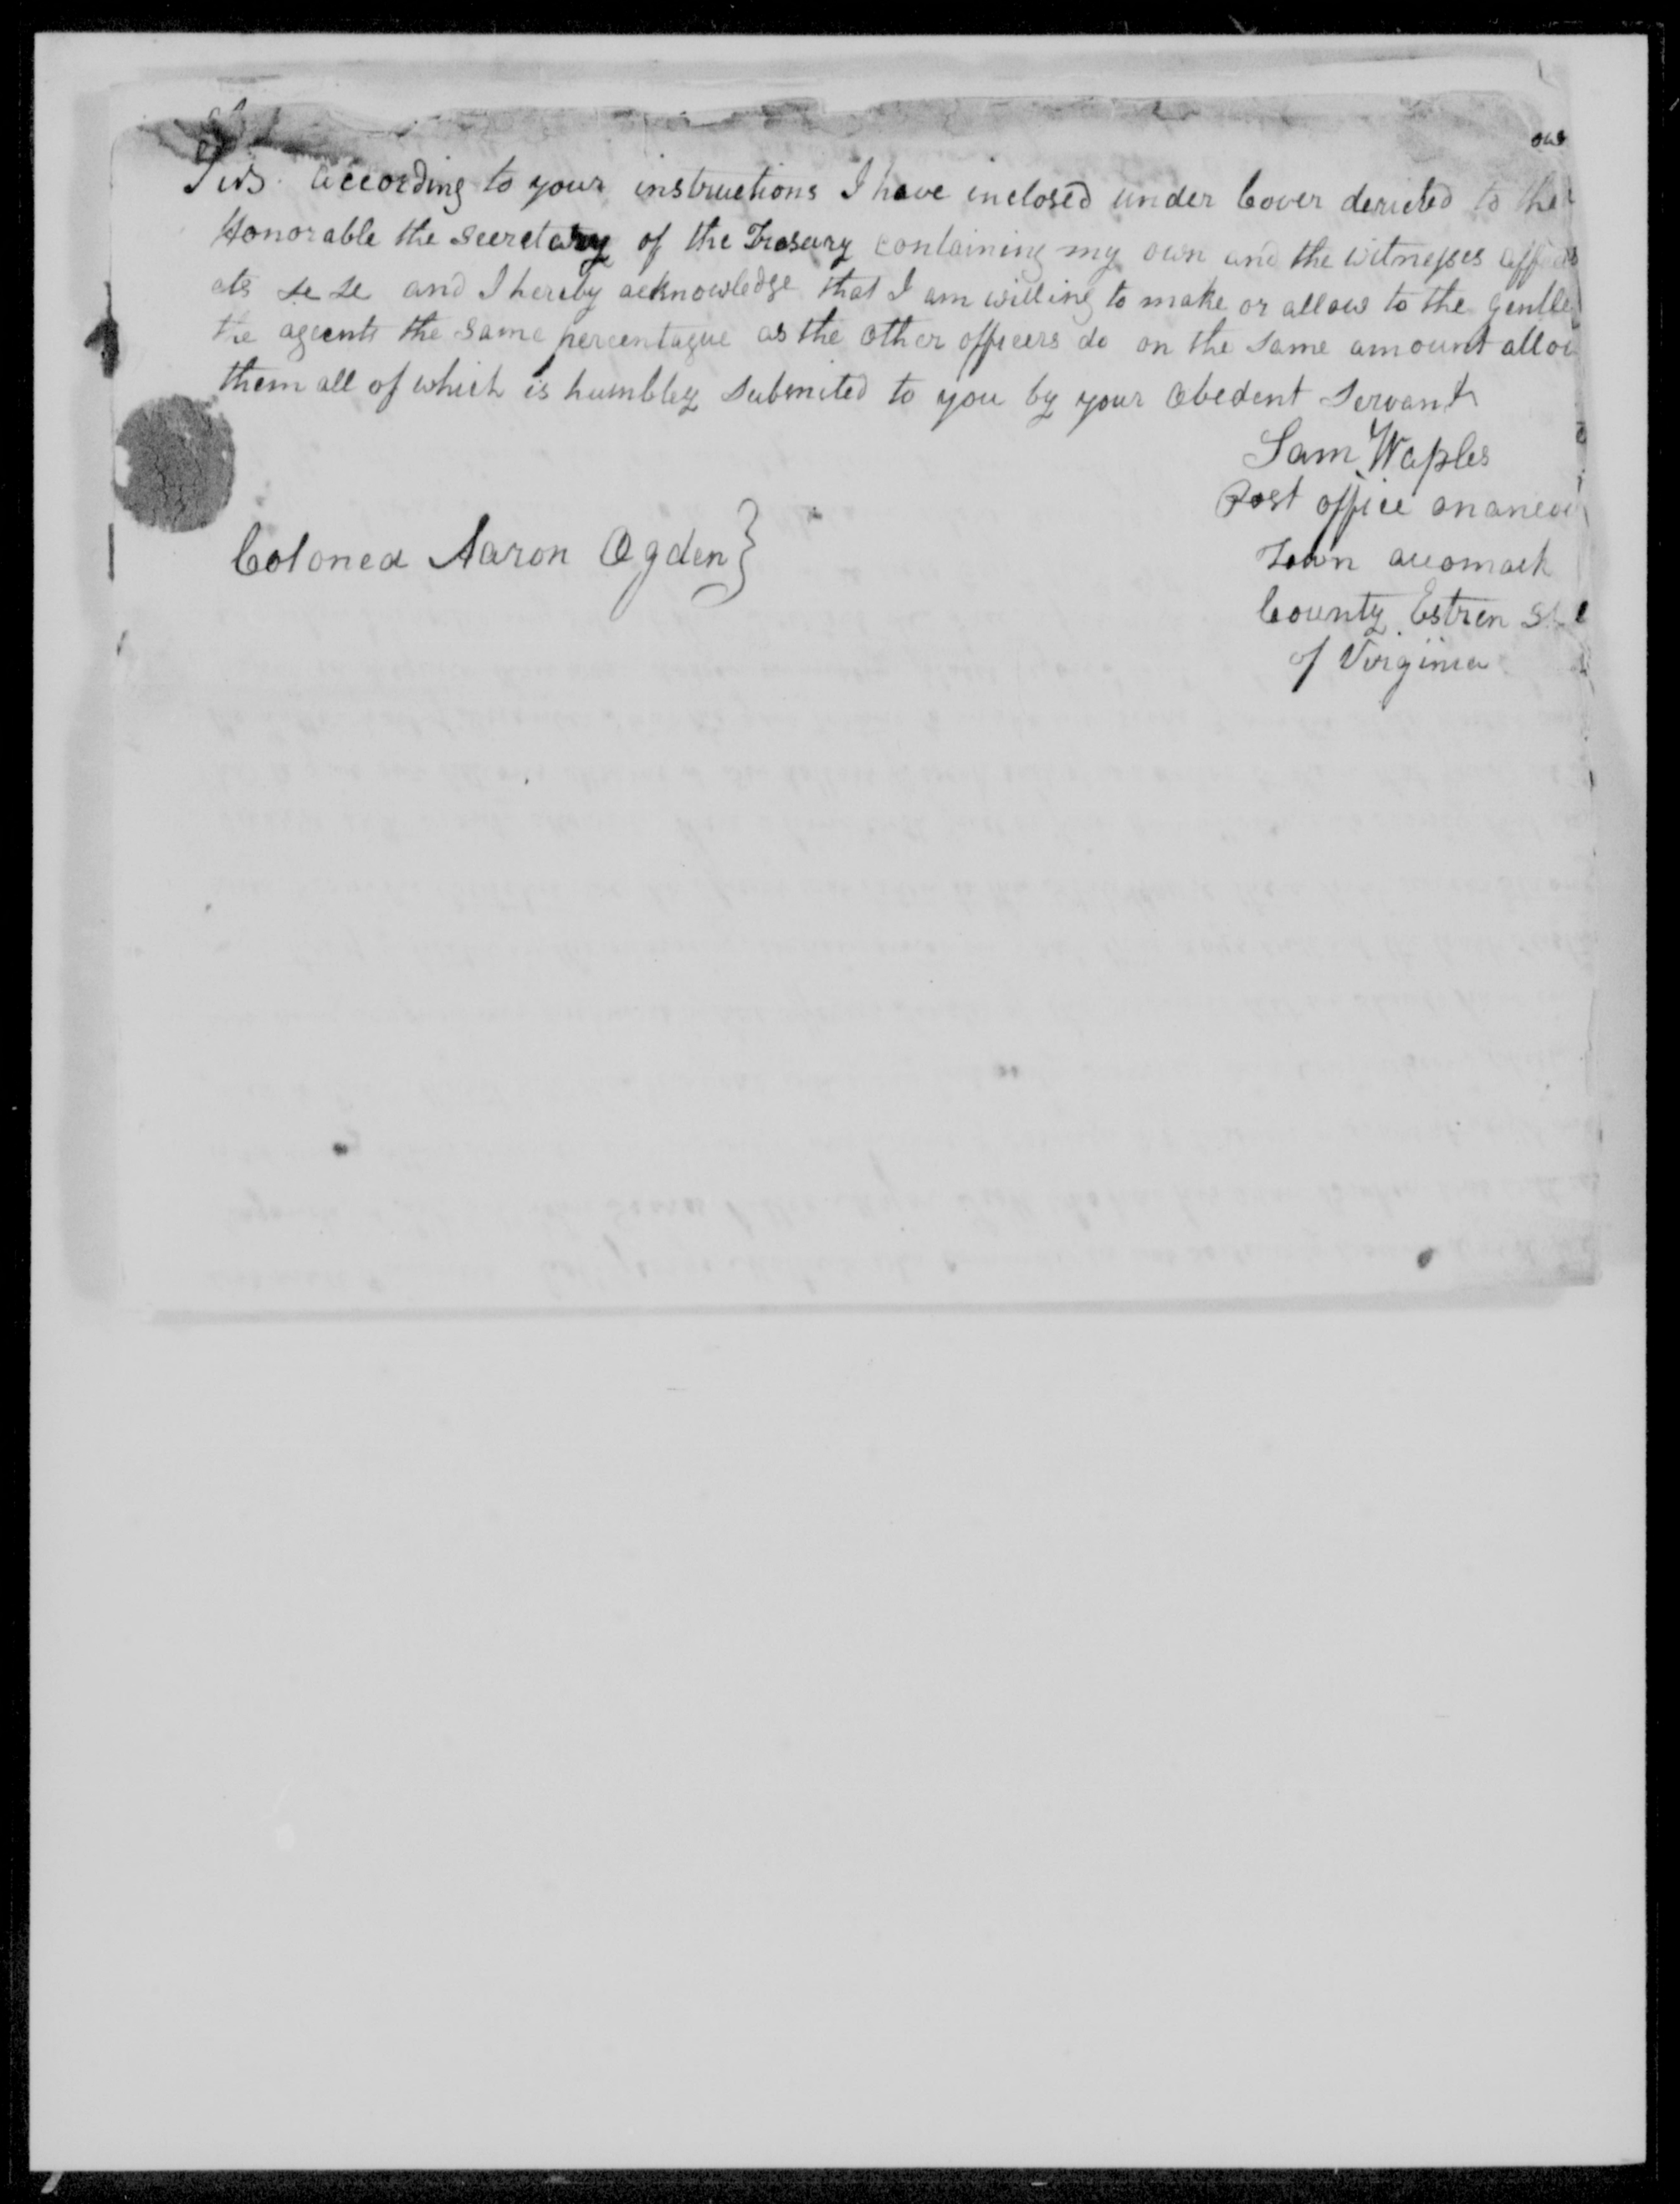Sirs according to your instructions I have inclosed under Cover directed to the Honorable the Secretary of the Treasury containing my own and the witnesses officers &c &c and I hereby acknowledge that I am willing to make or allow to the gentlemen the agents the same percentage as the other officers do on the same amount allowed them all of which is humbly submited to you by your Obedent Servant.
Sam Waples
Post office Onanco
Town Accomack
County Estren Sh
of Virginia

Colonel Aaron Ogden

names: Aaron Ogden, Sam Waples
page: 50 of 59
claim: widow's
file: W. 6427, Samuel Waples, Va.